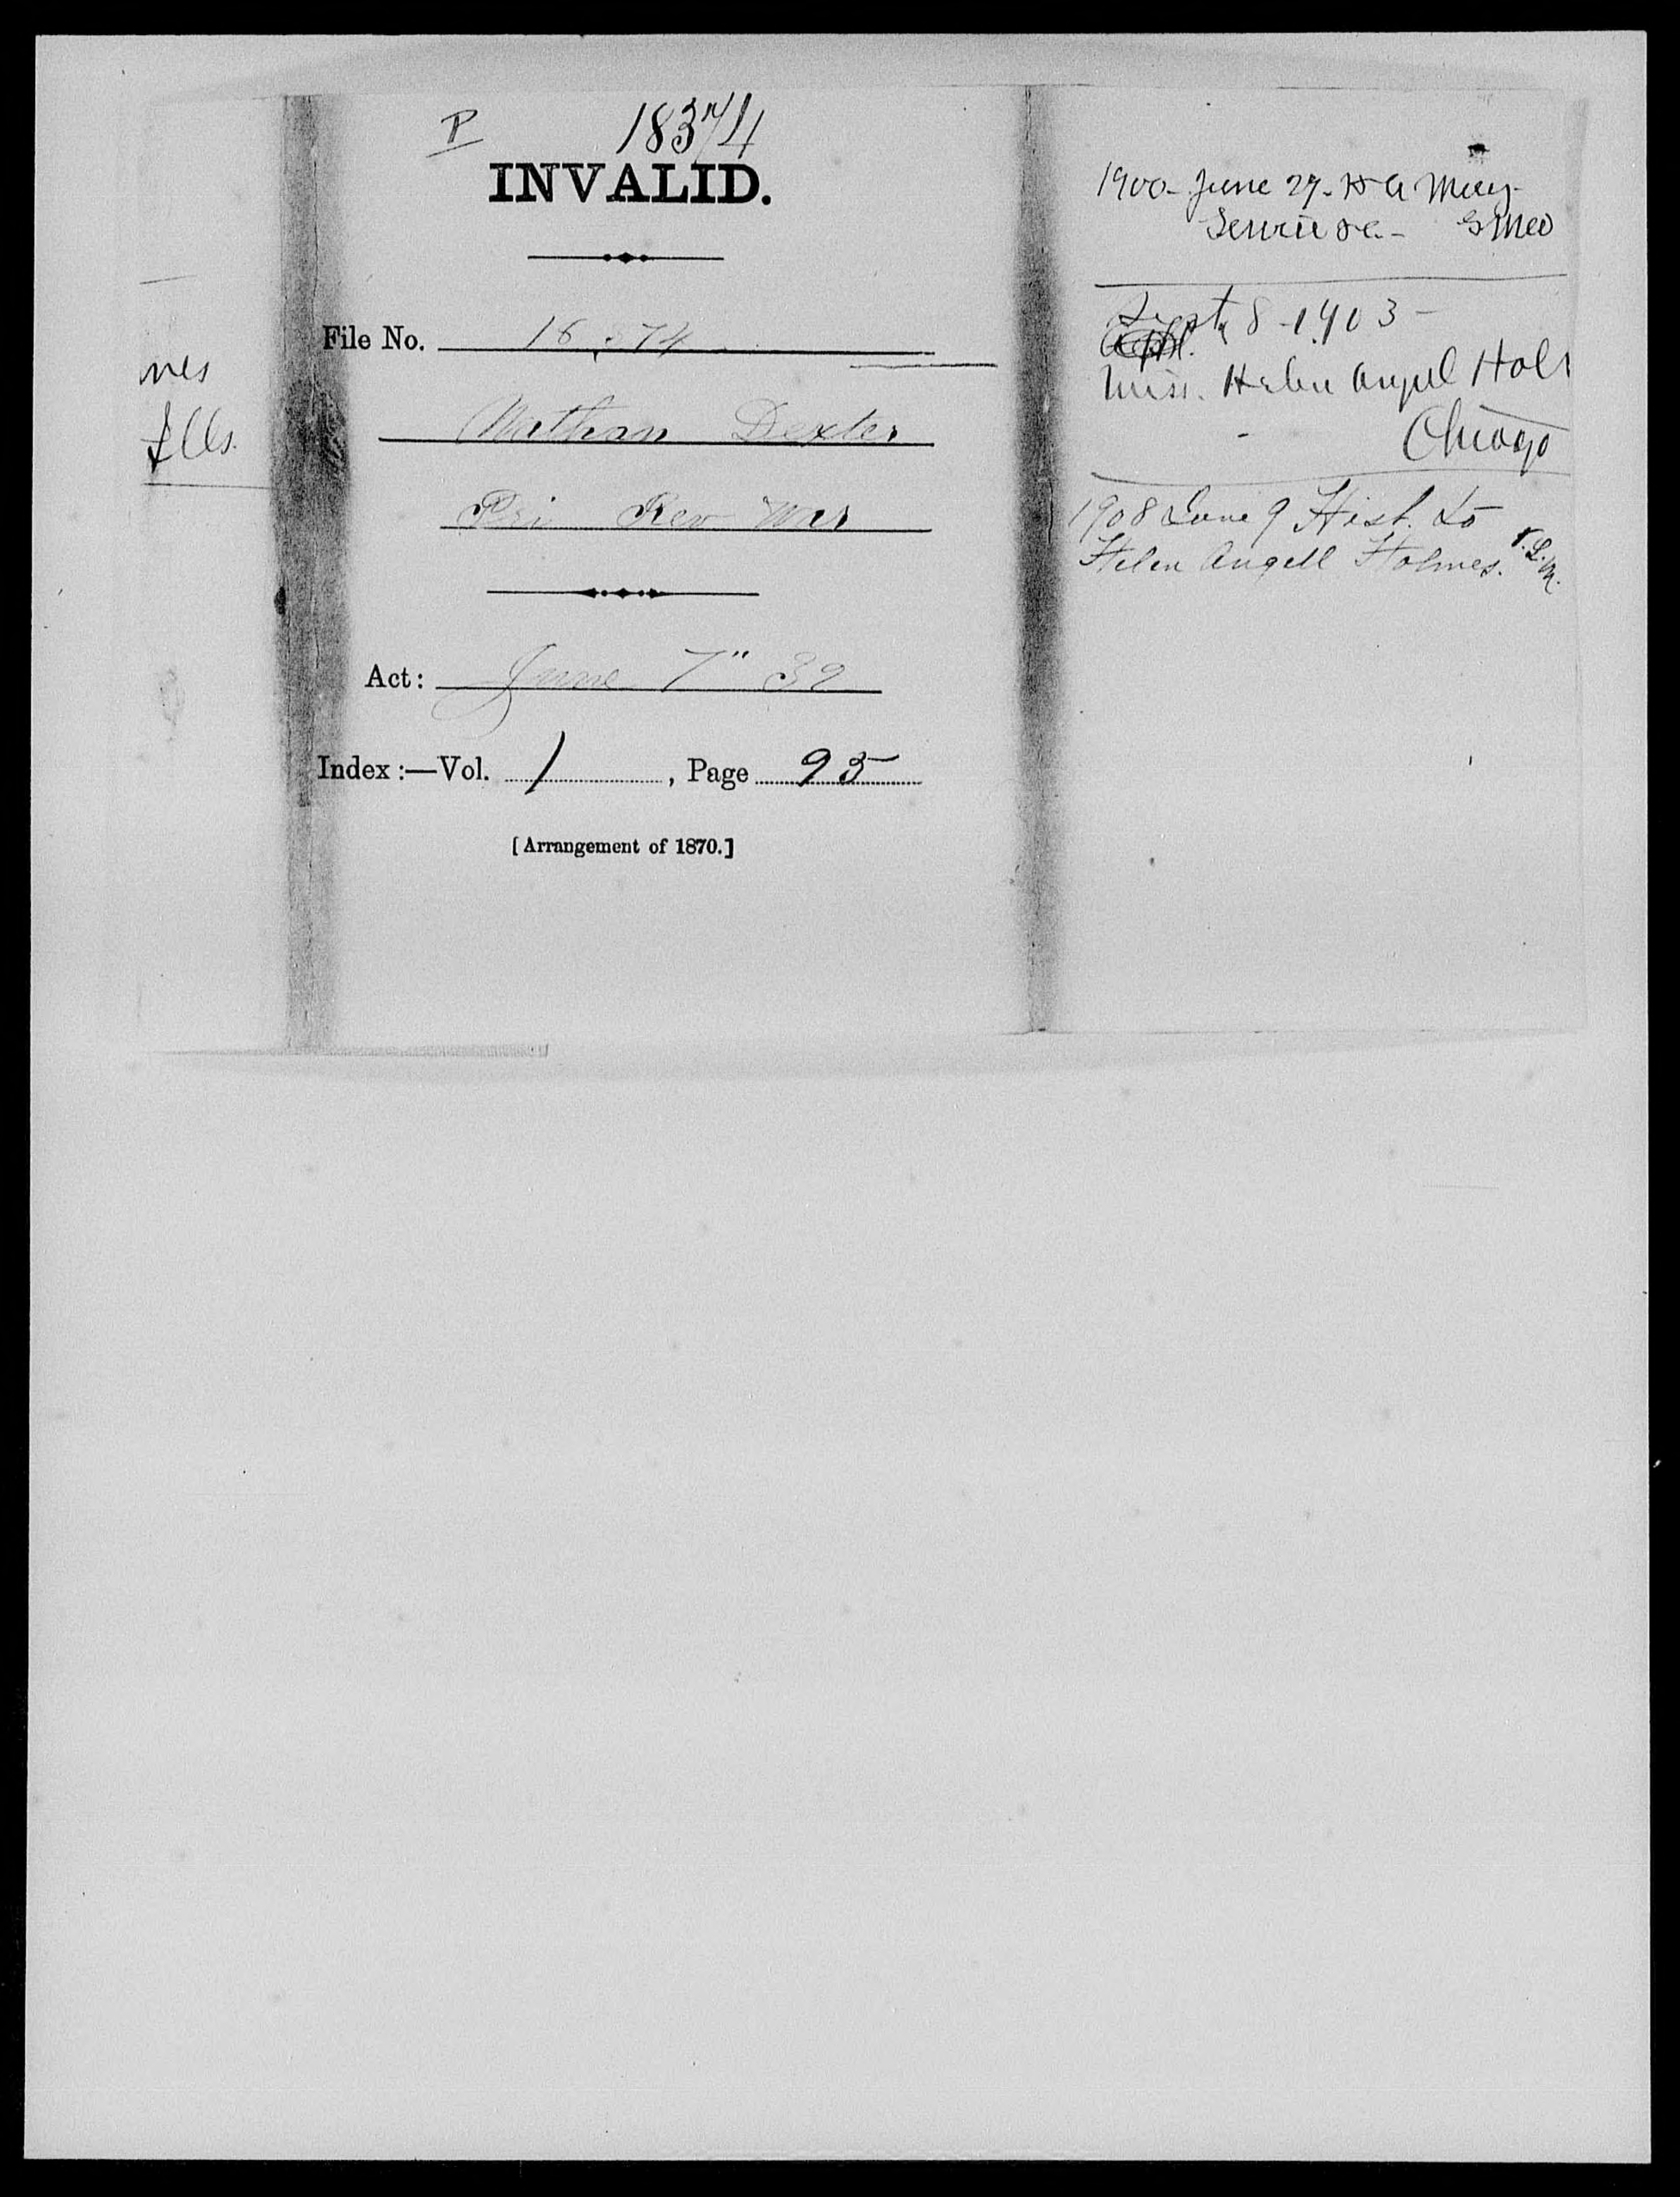P
18374
INVALID.
File No. 18,374
Nathan Dexter
Pri Rev War
Act:  June 7" 32
Index:—Vol. 1, Page 95
[Arrangement of 1870.]
1900-June 27 - H A May Service &c [Gmev?]
Sept. 8 - 1903 - Miss Helen Angel Holm---
Chicago
1908 June 9 Hist. to Helen Angell Holmes. r.L.M.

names: Helen Angell Holmes, Nathan Dexter, H A May, Helen Angell Holmes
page: 22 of 35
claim: survivor's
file: S. 18374, Nathan Dexter, R.I.